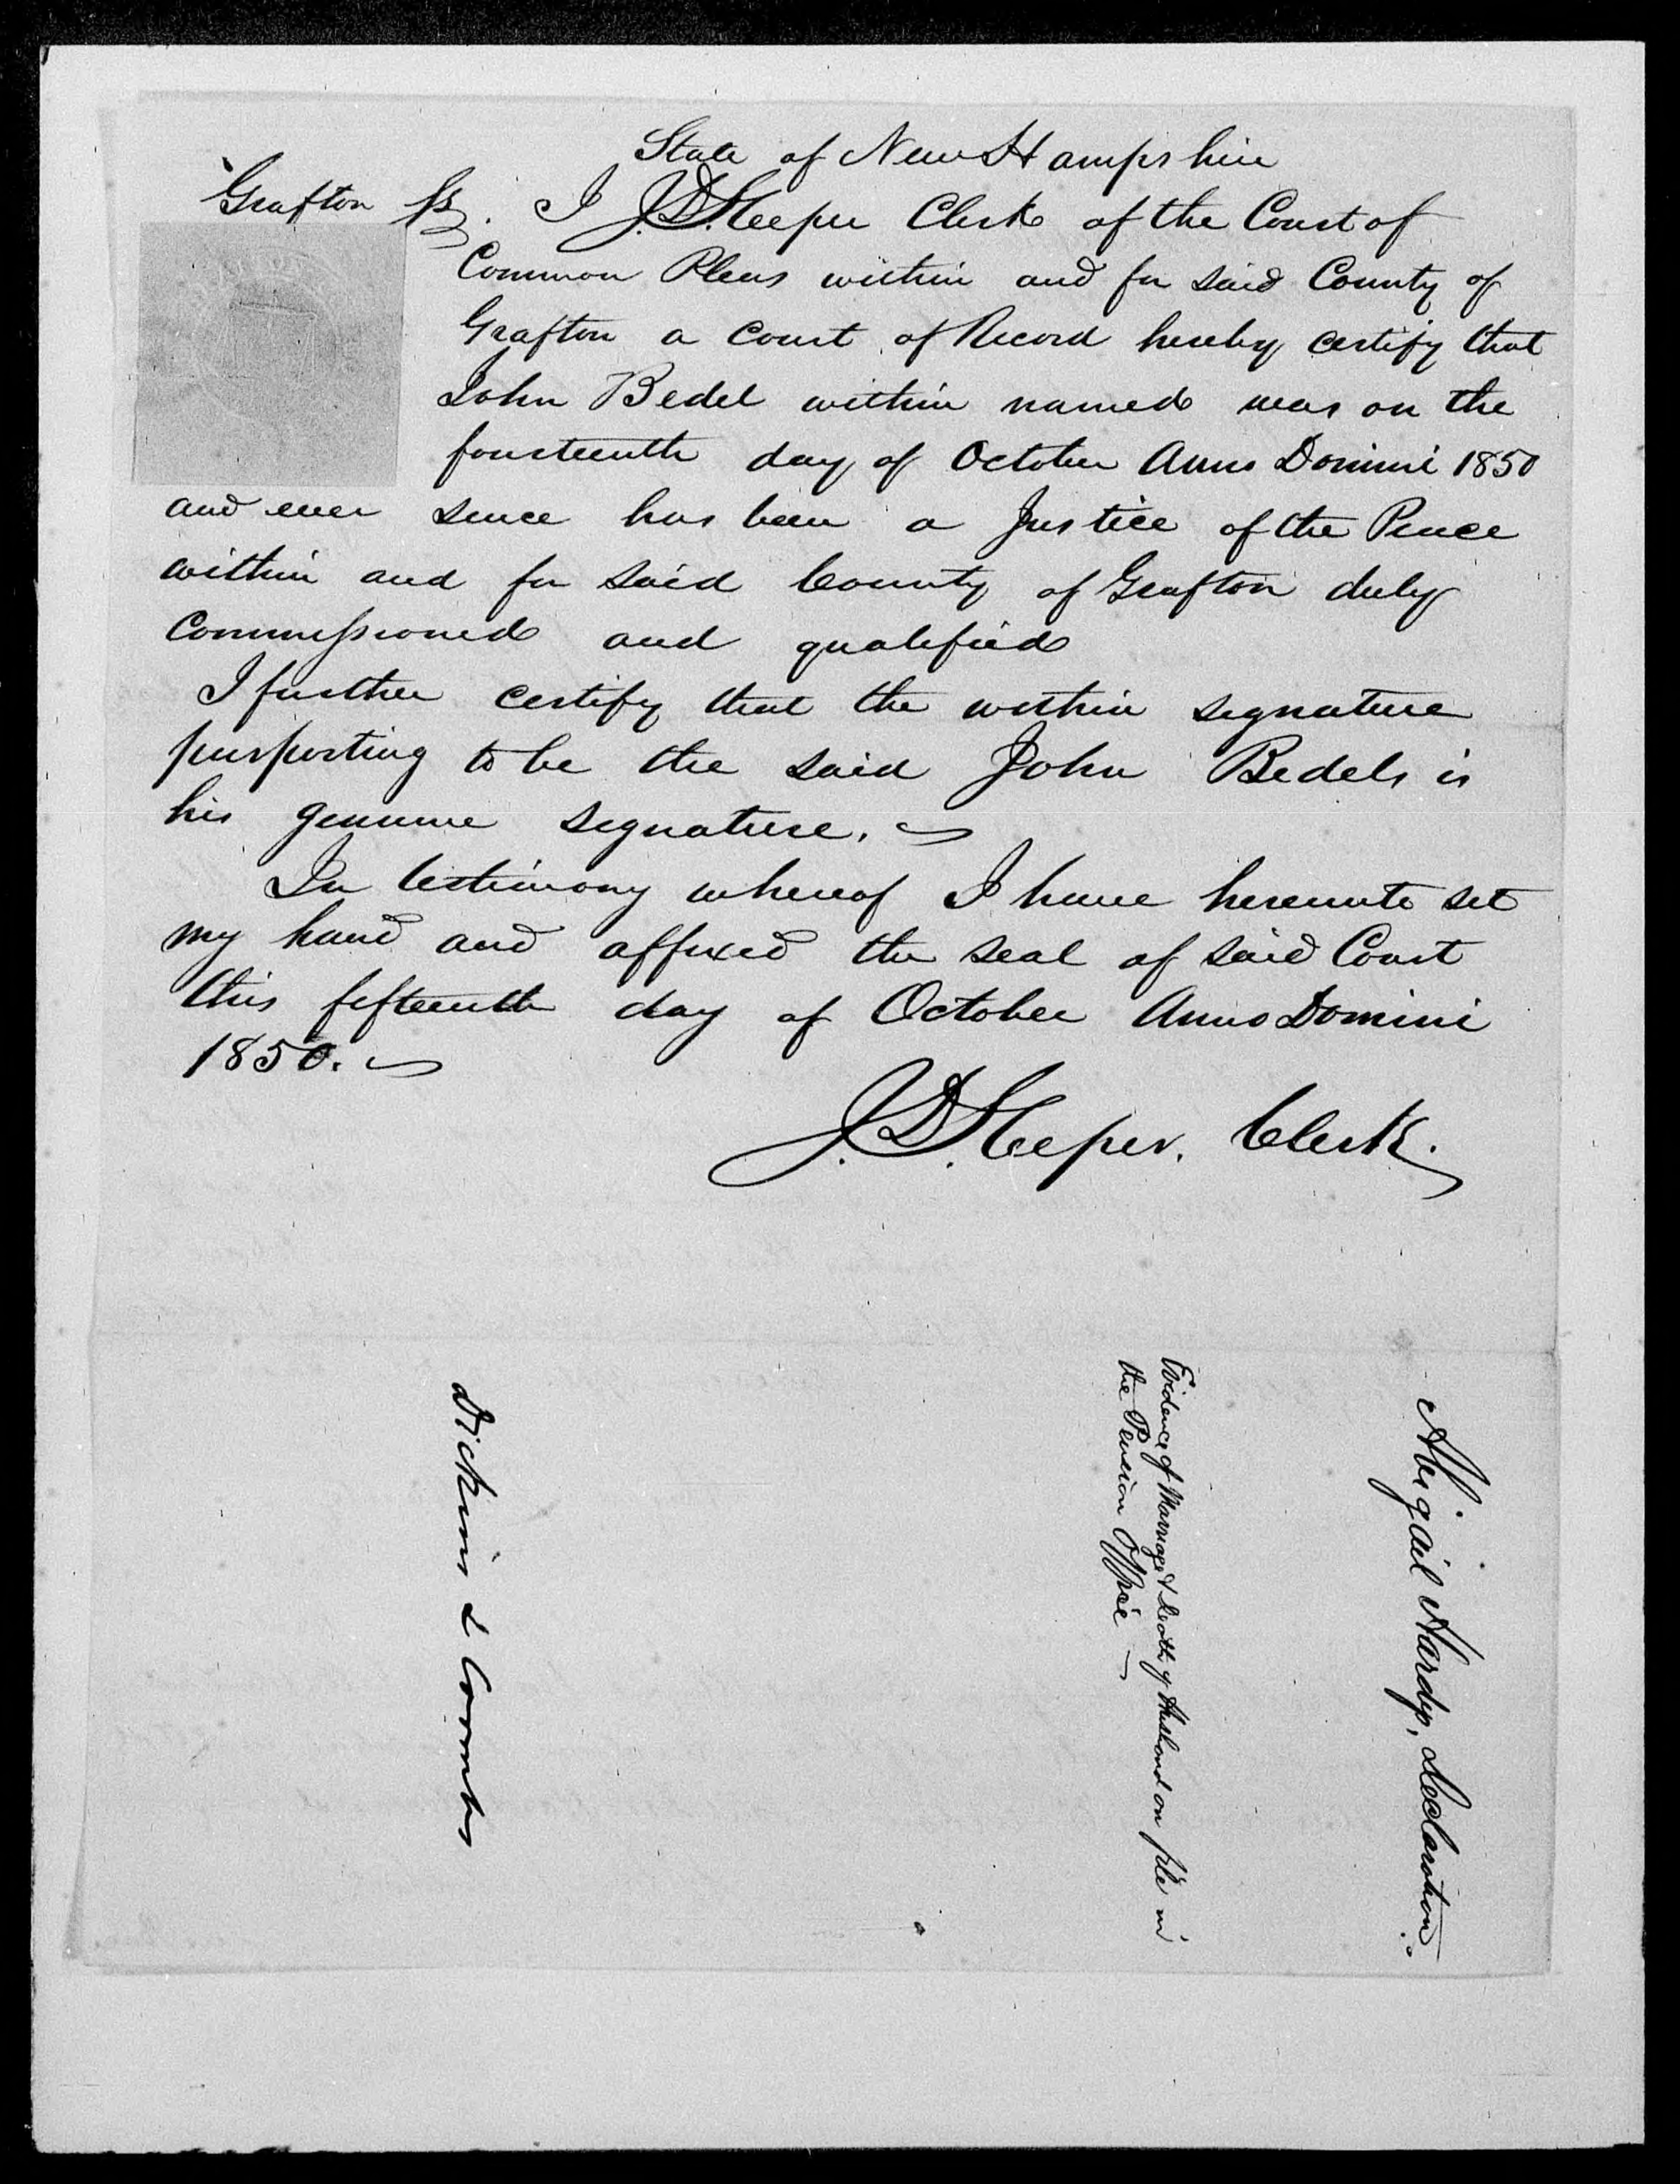State of New Hampshire Grafton ss 
I J. Sleeper Clerk of the Court of Common Pleas within and for said County of Grafton a Court of Record hereby certify that John Bedel within named was on the and ever fourteenth day of October Anno Domini 1850 and ever since has been a Justice of the Peace within and for said County of Grafton duly Commissioned and qualified.
I further certify that the within signature purporting to be the said John Bedels is his genuine signature, In testimony whereof I have hereunto set my hand and affixed the seal of said Court this fifteenth day of October Anno Domini 1850. J.D. Keeper, Clerk. 
Abigail Hardy, Declaration
Evidence of Marriage and Death of Husband file in the Pension Office
Dickens & Coombs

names: J D Sleeper, John Bedel, Dickens, John Bedel, Coombs, Abigail Hardy, J D Sleeper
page: 64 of 67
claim: widow's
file: W. 23183, Jesse Hardy, Mass.